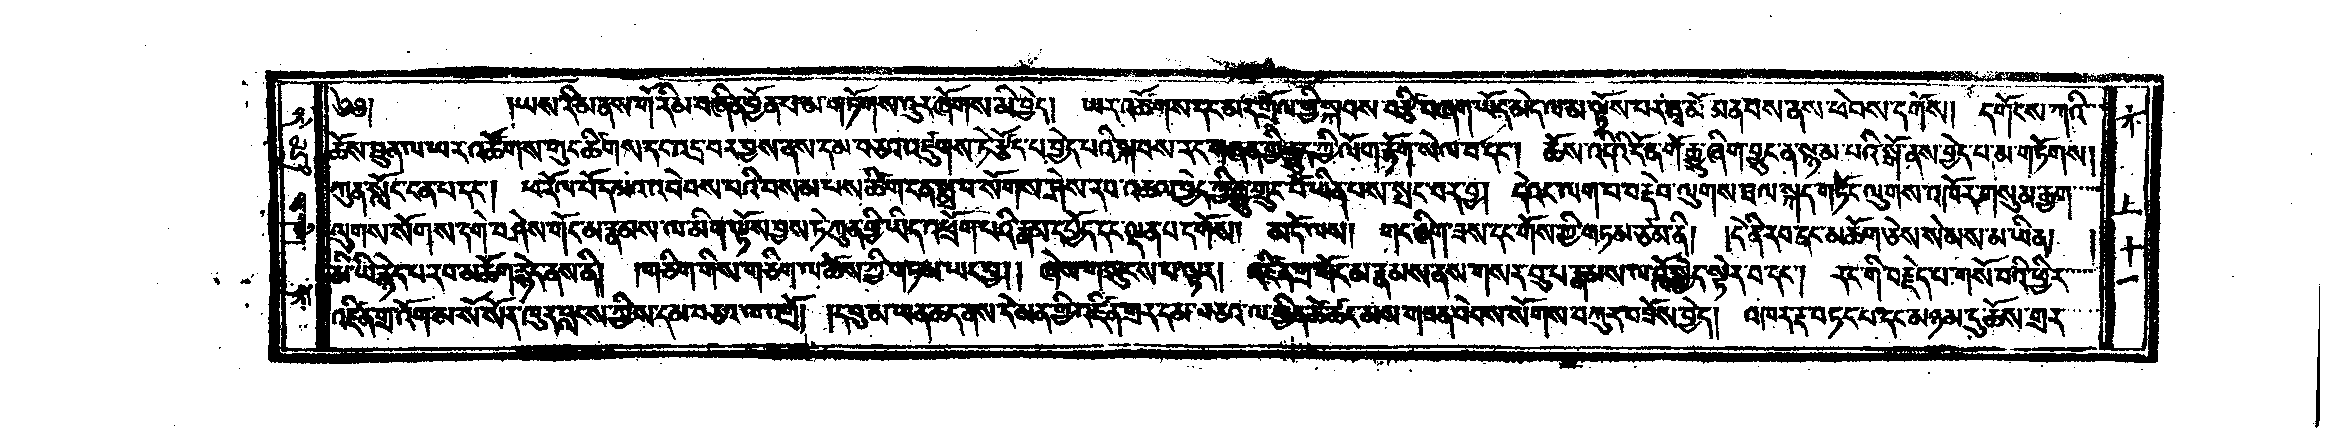༄༅། །ཡས་རིམ་ནས་གོ་རིམ་བཞིན་བྱོན་པ་མ་གཏོགས་འུར་ཞོགས་མི་བྱེད། ཡར་འཚོགས་དང་མར་གྲོལ་གྱི་སྐབས་བརྩི་བཞག་ཡོད་མེད་ལ་མ་ལྟོས་པར་ཞྭ་མོ་མན་བས་ནས་ཕེབས་དགོས། དགོངས་ཀའི་
ཆོས་ཐུན་ལ་ཡར་འཚོགས་གུང་ཚིགས་དང་འདྲ་བར་བྱས་ནས་དམ་བཅའ་འཛུགས་ཏེ་རྩོད་པ་བྱེད་པའི་སྐབས་རང་གཞན་གྱི་རྒྱུད་ཀྱི་ལོག་རྟོག་སེལ་བ་དང་། ཆོས་འདིའི་དོན་གོ་རྒྱུ་ཞིག་བྱུང་ན་སྙམ་པའི་སྒོ་ནས་བྱེད་པ་མ་གཏོགས།
ཀུན་སློང་ངན་པ་དང་། ཕ་རོལ་པོ་དམའ་འབེབས་པའི་བསམ་པས་ཚིག་ངན་སྨྲ་བ་སོགས་ཤེས་རབ་འཆལ་བྱེད་ཀྱི་རྒྱུ་གྲུང་པོ་ཡིན་པས་སྤང་བར་བྱ། དེའང་ལག་པ་བརྡེབ་ལུགས་ཐལ་སྐད་གཏོང་ལུགས་འཁོར་གསུམ་རྒྱག་
ལུགས་སོགས་དགེ་བཤེས་གོང་མ་རྣམས་ལ་མིག་ལྟོས་བྱས་ཏེ་ཀུན་གྱི་ཡིད་འཕྲོག་པའི་རྣམ་དཔྱོད་དང་ལྡན་པ་དགོས། མདོ་ལས། གང་ཞིག་ཟས་དང་གོས་ཀྱི་གཏམ་ཙམ་ནི། །དེ་ནི་རབ་དང་མཆོག་ཅེས་སེམས་མ་ཡིན། །
མི་ཡི་རྙེད་པ་རབ་མཆོག་རྙེད་ནས་ནི། །གཅིག་གིས་གཅིག་ལ་ཆོས་ཀྱི་གཏམ་ཡང་བྱ།། ཞེས་གསུངས་པ་ལྟར། འཛིན་གྲ་གོང་མ་རྣམས་ནས་གསར་བུ་པ་རྣམས་ལ་བློ་སྐྱེད་སྟེར་བ་དང་། རང་གི་བརྗེད་པ་གསོ་བའི་ཕྱིར་
འཛིན་གྲ་འོག་མ་སོ་སོར་ཁུར་བླངས་ཀྱིས་དམ་བཅའ་ལ་འགྲོ། །དབུ་མ་ཡན་ཆད་ནས་དེ་མན་གྱི་འཛིན་གྲར་དམ་བཅའ་ལ་ཕྱིན་ཚེ་ཚང་མས་གཟན་བེབས་སོགས་བཀུར་བཟོས་བྱེད། འཁར་རྡ་བཏང་བ་དང་མཉམ་དུ་ཆོས་གྲར་